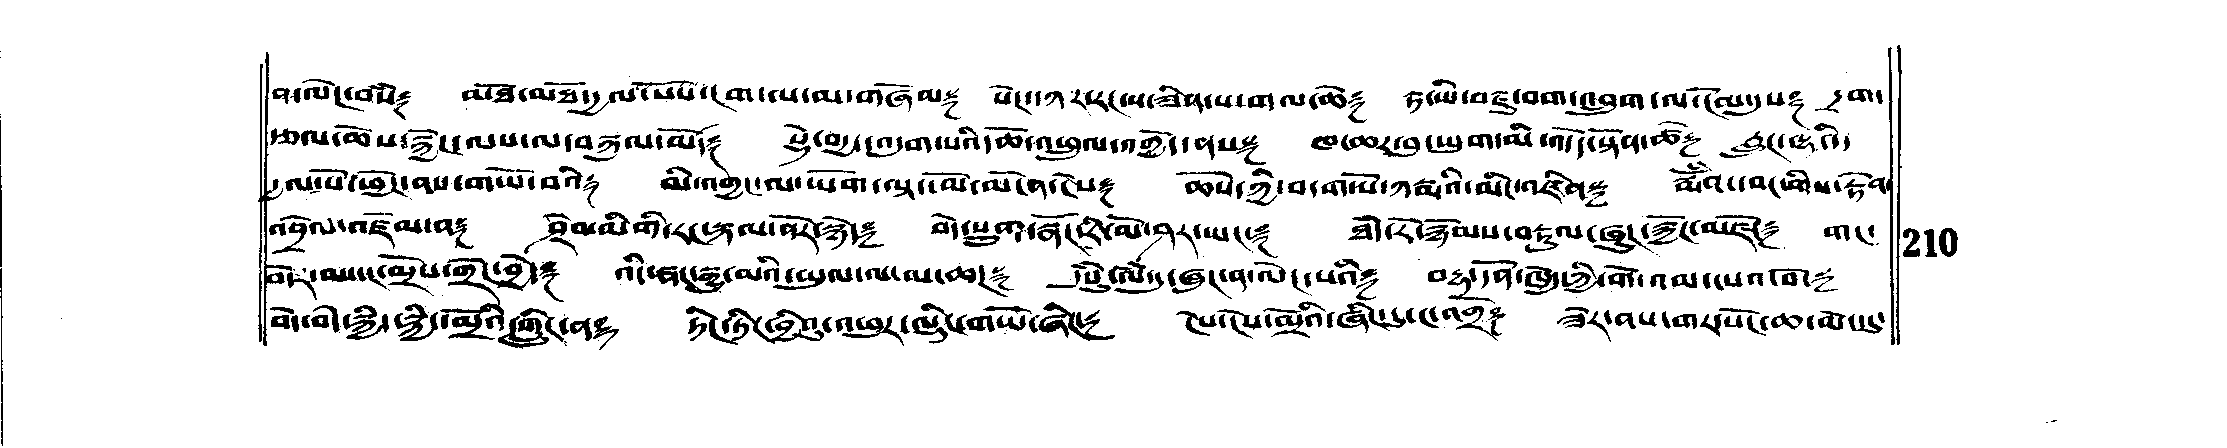ན་ལེགས་བསམ། །མཐོ་མཐོ་རྒྱལ་པོས་ངག་ལ་མ་གཞོལ། །སེང་དཀར་རང་ས་ཟིན་པ་གལ་ཆེ། །རྟ་ཡི་བརྫུ་བག་འབྲུག་ལ་ངོམ་དུས། །དྲག་
རྩལ་ཆོས་སྐྱོང་ལས་ལ་བསྐུལ་མཛོད། །སྡེ་བརྒྱད་གདུག་པའི་ཆོ་འཕྲུལ་འགྱེད་ནས། ཁ་ཆར་བུ་ཡུག་མི་འདོད་སྟོན་ཚེ། །རླུང་ལྷའི་
རྒྱལ་པོ་ཕྱོགས་ནས་གཡོ་བའི། །མི་འགྱང་ལ་ཡོག་ལྟད་མོ་མངོན་ངེས། །ཆོས་ཀྱི་བདག་པོ་ཀརྨའི་མིང་འཛིན། །སྨོན་ལམ་དབང་གིས་རྟེན་
འབྲེལ་འཛོམ་ན། །ཤེས་རབ་མིག་གི་རང་སྐལ་ནོར་རྙེད། །བདེ་སྡུག་སྣ་ཚོགས་རི་མོ་ཤར་ཡང་། །ཐམས་ཅད་རོ་སྙོམས་བརྟུལ་ཞུགས་སྐྱོང་མཛོད། །གང་
བདེར་མ་དང་མཁའ་འགྲོས་གྲོགས་བྱེད། །འདི་སྣང་སྒྱུ་མའི་ཡུལ་ལ་མ་ཆགས། །དུས་གསུམ་ལམ་དུ་ཞུགས་ན་ལེགས་པའི། །བརྡ་དོན་ཁྱོད་ཀྱི་གོ་འམ་དཔའ་བོ། །
བདེ་བདེ་སྐྱིད་སྐྱིད་མཁའ་འགྲོའི་གླིང་ན། །ཏིང་ཏིང་བྱིའུ་འཕུར་སྡིང་གཡོ་ཞིང་། །ངེས་ངེས་མཁའ་འགྲོའི་ཞིང་དུ་ང་འགྲོ། །ཟེར་ནས་གར་སོང་ཆ་མེད་དུ་